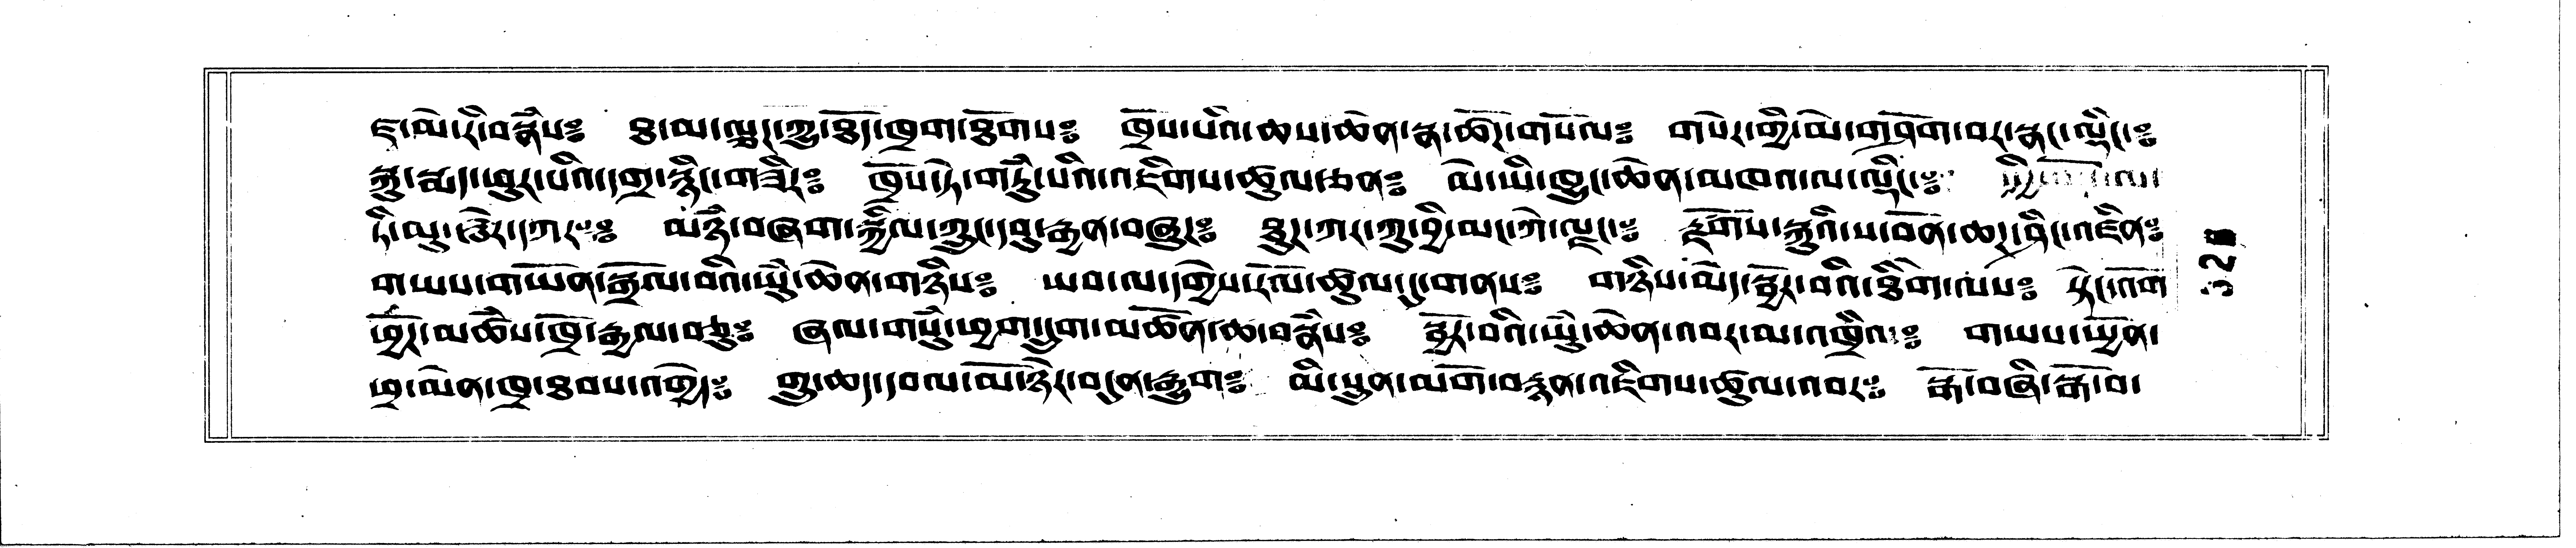ཛྭ་མེ་རི་བསྣམས༔ ཐ་མ་ལྕགས་ཀྱུ་ཐོད་ཁྲག་ཐོགས༔ ཁྲོས་པའི་ཆས་ཆེན་སྣ་ཚོགས་གསོལ༔ གསེར་གྱི་མེ་གཤོག་བར་སྣང་ལྡིང་༔ 
སྐུ་སྨད་ཕུར་པའི་དགྲ་སྙིང་གཟིར༔ ཁྲོས་ཏེ་གཏུམ་པའི་འཇིགས་ཚུལ་ཅན༔ མེ་ཡི་ཁྱུང་ཆེན་མཁའ་ལ་ལྡིང་༔ སྤྱི་བོར་ཨ་
ཏི་མུ་ཝེར་དཀར༔༔ མཉམ་བཞག་སྐྱིལ་ཀྲུང་དབུ་རྒྱན་བཞུགས༔ ཐུགས་དཀར་ཀུ་བྱི་མང་ཀེ་ལྗང་༔ རྫོགས་སྐུའི་ས་བོན་ཆག་ཤིང་འཛིན༔
གཡས་གཡོན་སྒྲོལ་བའི་ཡུམ་ཆེན་གཉིས༔ ཡབ་ལ་དགྱེས་རོལ་ཚུལ་དུ་གནས༔ གཉིས་མེད་སྦྱོར་བའི་ཐིག་ལེ་ལས༔ སྟེང་འོག་
ཕྱོགས་མཚམས་ཁྲོ་རྒྱལ་བཅུ༔ ཞལ་གསུམ་ཕྱག་དྲུག་མཚོན་ཆ་བསྣམས༔ སྦྱོར་བའི་ཡུམ་ཆེན་འབར་མ་འཁྲིལ༔ གཡས་གཡོན་
ཕྲ་མེན་ཁྲ་ཐབས་འགྱེད༔ གྲུ་ཆད་དབལ་མོ་ཉེར་བདུན་རྒྱུག༔ མི་སྲུན་མགོ་བརྙན་འཇིགས་ཚུལ་འབར༔ སྒོ་བཞི་སྒོ་བ་